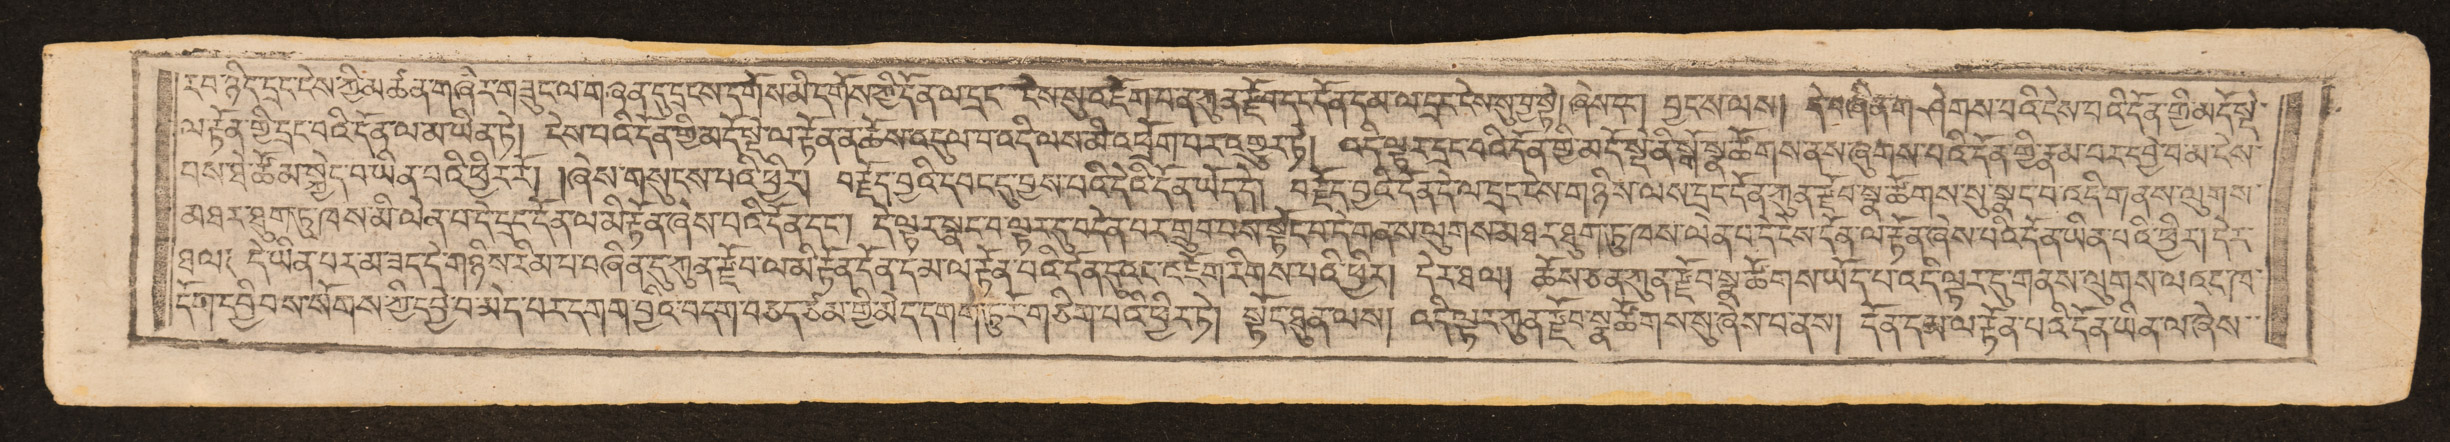རབ་ཉིད་དྲང་ངེས་ཀྱི་མཚན་གཞིར་གཟུང་ལ་གཞན་དུ་དྲངས་དགོས་མི་དགོས་ཀྱི་དོན་ལ་དྲང་ངེས་སུ་འཇོག་པ་ན་ཀུན་རྫོབ་དང་དོན་དམ་ལ་དྲང་ངེས་སུ་བྱ་སྟེ། ཞེས་དང་། བྱང་ས་ལས། དེ་བཞིན་གཤེགས་པའི་ངེས་པའི་དོན་གྱི་མདོ་སྡེ་
ལ་རྟོན་གྱི་དྲང་བའི་དོན་ལ་མ་ཡིན་ཏེ། ངེས་པའི་དོན་གྱི་མདོ་སྡེ་ལ་རྟོན་ན་ཆོས་འདུལ་བ་འདི་ལས་མི་འཕྲོག་པར་འགྱུར་ཏེ། འདི་ལྟར་དྲང་བའི་དོན་གྱི་མདོ་སྡེ་ནི་སྒོ་སྣ་ཚོགས་ནས་ཞུགས་པའི་དོན་གྱི་རྣམ་པར་དབྱེ་བ་མ་ངེས་
པས་ཐེ་ཚོམ་སྐྱེད་པ་ཡིན་པའི་ཕྱིར་རོ། །ཞེས་གསུངས་པའི་ཕྱིར། བརྗོད་བྱའི་དབང་དུ་བྱས་པའི་དེའི་དོན་ཡོད་དེ། བརྗོད་བྱའི་དོན་དེ་ལ་དྲང་ངེས་གཉིས་ལས་དྲང་དོན་ཀུན་རྫོབ་སྣ་ཚོགས་སུ་སྣང་བ་འདི་གནས་ལུགས་
མཐར་ཐུག་ཏུ་ཁས་མི་ལེན་པ་དེ་དྲང་དོན་ལ་མི་རྟོན་ཞེས་པའི་དོན་དང་། དེ་ལྟར་སྣང་བ་ལྟར་དུ་བདེན་པར་གྲུབ་པས་སྟོང་པ་དེ་གནས་ལུགས་མཐར་ཐུག་ཏུ་ཁས་ལེན་པ་དེ་ངེས་དོན་ལ་རྟོན་ཞེས་པའི་དོན་ཡིན་པའི་ཕྱིར། དེར་
ཐལ༑ དེ་ཡིན་པར་མ་ཟད་དེ་གཉིས་རིམ་པ་བཞིན་དུ་ཀུན་རྫོབ་ལ་མི་རྟོན་དོན་དམ་ལ་རྟོན་པའི་དོན་དུ་འང་འཇོག་རིགས་པའི་ཕྱིར། དེར་ཐལ། ཆོས་ཅན་ཀུན་རྫོབ་སྣ་ཚོགས་ཡོད་པ་འདི་ལྟར་དུ་གནས་ལུགས་ལའང་ཁ་
དོག་དབྱིབས་སོགས་ཀྱི་དབྱེ་བ་མེད་པར་དགག་བྱའི་བདག་བཅད་ཙམ་གྱི་མེད་དགག་ཏུ་རོ་གཅིག་པའི་ཕྱིར་ཏེ། སྟོང་ཐུན་ལས། འདི་ལྟར་ཀུན་རྫོབ་སྣ་ཚོགས་སུ་ཞེས་པ་ནས། དོན་དམ་ལ་རྟོན་པའི་དོན་ཡིན་ལ་ཞེས་